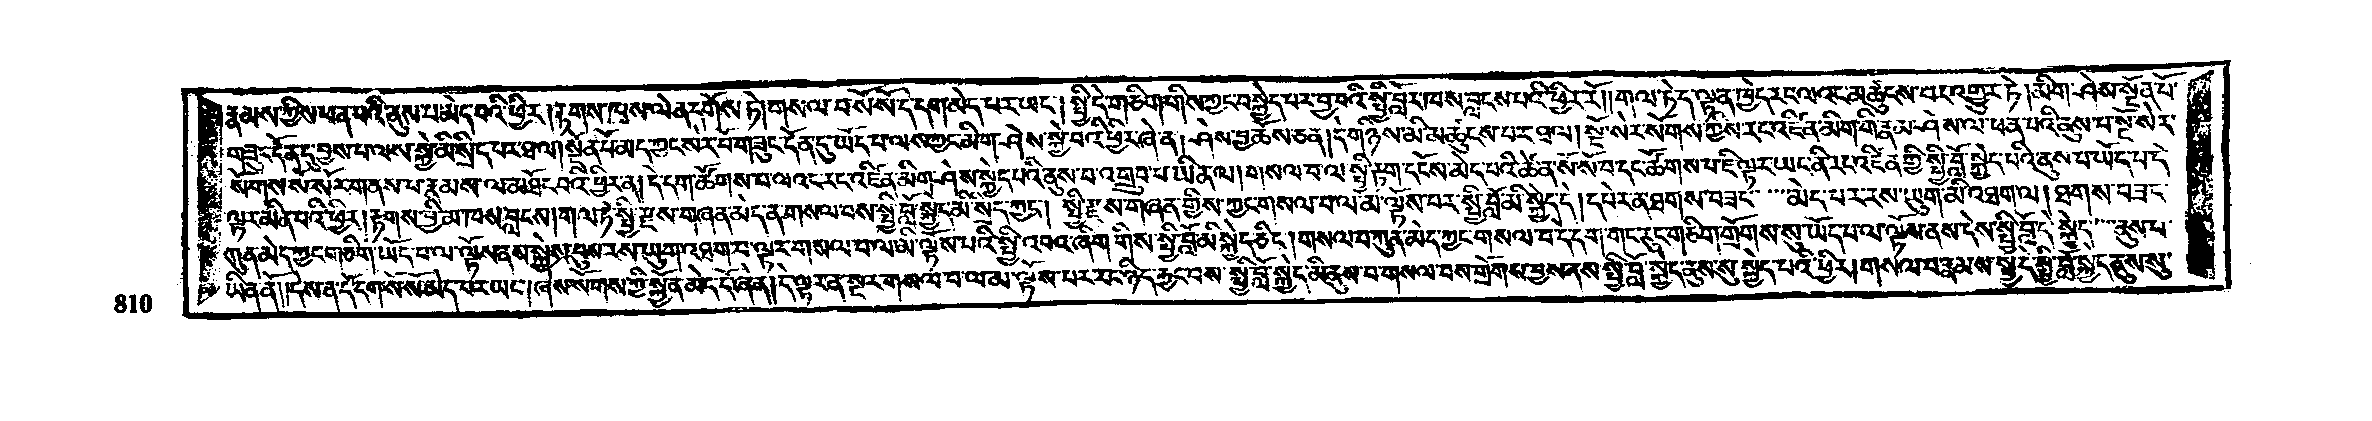རྣམས་ཀྱིས་ཕན་པའི་ནུས་པ་མེད་པའི་ཕྱིར། རྟགས་ཁས་ལེན་དགོས་ཏེ། གསལ་བ་སོ་སོ་དེ་དག་མེད་པར་ཡང་། སྤྱི་དེ་གཅིག་གིས་ཀྱང་བསྐྱེད་པར་བྱ་བའི་སྤྱི་བློར་ཁས་བླངས་པའི་ཕྱིར་རོ། །གལ་ཏེ་ད་ལྟ་ན་ཁྱེད་རང་ལའང་མཚུངས་བར་འགྱུར་ཏེ། མིག་ཤེས་སྔོན་པོ་
གཟུང་དོན་དུ་བྱས་པ་ལས་སྐྱེ་མི་སྲིད་པར་ཐལ། སྔོན་པོ་མེད་ཀྱང་སེར་པོ་གཟུང་དོན་དུ་ཡོད་པ་ལས་ཀྱང་མིག་ཤེས་སྐྱེ་བའི་ཕྱིར་ཞེ་ན། ཤེས་བྱ་ཆོས་ཅན། དེ་གཉིས་མི་མཚུངས་པར་ཐལ་སྔོ་སེར་སོགས་ཀྱིས་རང་འཛིན་མིག་གི་རྣམ་ཤེས་ལ་ཕན་པའི་ནུས་པ་སྔོ་སེར་
སོགས་སོ་སོར་གནས་པ་རྣམས་ལ་མཐོང་བའི་ཕྱིར་ན། དེ་དག་ཚོགས་པ་ལའང་རང་འཛིན་མིག་ཤེས་སྐྱེད་པའི་ནུས་པ་འགྲུབ་པ་ཡིན་ལ། གསལ་བ་ལ་སྤྱི་རྟག་དངོས་མེད་པའི་ཚེ་ན་སོ་སོ་བ་དང་ཚོགས་པ་ཇི་ལྟར་ཡང་ནི་རང་འཛིན་གྱི་སྤྱི་བློ་སྐྱེད་པའི་ནུས་པ་ཡོད་པ་དེ་
ལྟར་མིན་པའི་ཕྱིར། རྟགས་ཕྱི་མ་ཁས་བླངས། གལ་ཏེ་སྤྱི་རྫས་གཞན་མེད་ན་གསལ་བས་སྤྱི་བློ་སྐྱེད་མི་སྲིད་ཀྱང་། སྤྱི་རྫས་གཞན་གྱིས་ཀྱང་གསལ་བ་ལ་མ་ལྟོས་པར་སྤྱི་བློ་མི་སྐྱེད་དེ། དཔེར་ན་ཐགས་བཟང་མེད་པར་རས་ཡུག་མི་འཐག་ལ། ཐགས་བཟང་
ཀུན་མེད་ཀྱང་གཅིག་ཡོད་པ་ལ་ལྟོས་ནས་སྐྱེས་བུས་རས་ཡུག་འཐག་པ་ལྟར་གསལ་བ་ལ་མི་ལྟོས་པའི་སྤྱི་འབའ་ཞིག་གིས་སྤྱི་བློ་མི་སྐྱེད་ཅིང་། གསལ་བ་ཀུན་མེད་ཀྱང་གསལ་བ་དེ་དག་གང་རུང་གཅིག་གྲོགས་སུ་ཡོད་པ་ལ་ལྟོས་ནས་དེས་སྤྱི་བློ་དེ་སྐྱེད་ནུས་པ་
ཡིན་ནོ། །དེས་ན་དོ་དག་སོ་སོ་མེད་པར་ཡང་། ཞེས་སོགས་ཀྱི་སྐྱོན་མེད་དོ་ཞེ་ན། དེ་ལྟར་ན་སྔར་གསལ་བ་ལ་མ་ལྟོས་པར་རང་ཉིད་རྐྱང་བས་སྤྱི་བློ་སྐྱེད་མི་ནུས་པ་གསལ་བས་གྲོགས་བྱས་ནས་སྤྱི་བློ་སྐྱེད་ནུས་སུ་སྐྱེད་པའི་ཕྱིར། གསལ་བ་རྣམས་སྤྱི་དེ་སྤྱི་བློ་སྐྱེད་ནུས་སུ་